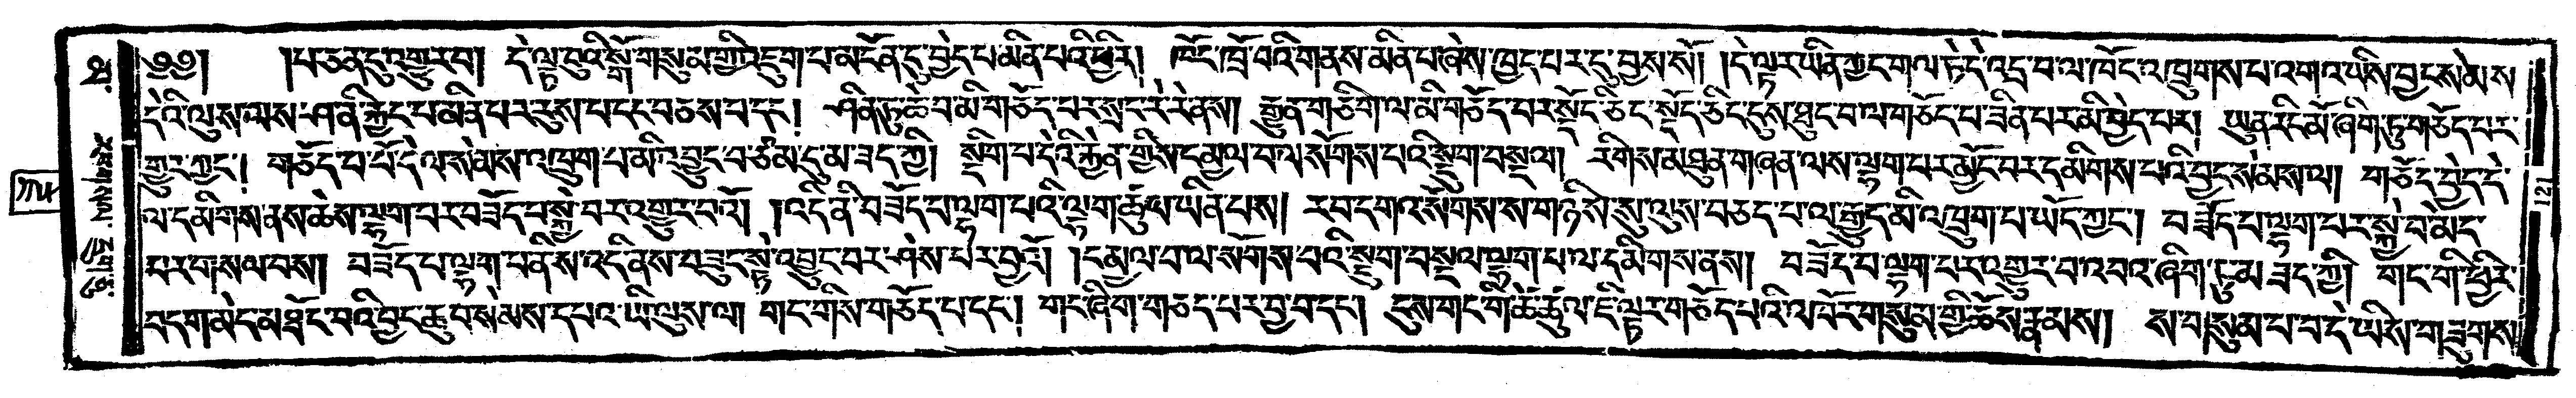༄༅། །པ་ཅན་དུ་འགྱུར་བ། དེ་ལྟ་བུའི་སྒོ་གསུམ་གྱི་འཇུག་པ་མངོན་དུ་བྱེད་པ་མིན་པའི་ཕྱིར། ཁོང་ཁྲོ་བའི་གནས་མིན་པ་ཞེས་ཁྱད་པར་དུ་བྱས་སོ། །དེ་ལྟར་ཡིན་ཀྱང་གལ་ཏེ་དེ་འདྲ་བ་ལ་ཁོང་འཁྲུགས་པ་འགའ་ཡིས་བྱང་སེམས་
དེའི་ལུས་ལས་ཤ་ནི་རྐྱང་པ་མིན་པར་རུས་པ་དང་བཅས་པ་དང་། ཤིན་ཏུ་ཆེ་བ་མི་གཅོད་པར་སྲང་རེ་རེ་ནས། རྒྱུན་གཅིག་ལ་མི་གཅོད་པར་སྡོད་ཅིང་སྡོད་ཅིང་དུས་ཐུང་བ་ལ་གཅོད་པ་ཟིན་པར་མི་བྱེད་པར། ཡུན་རིང་མོ་ཞིག་ཏུ་གཅོད་པར་
གྱུར་ཀྱང་། གཅོད་པ་པོ་དེ་ལ་སེམས་འཁྲུག་པ་མི་འབྱུང་བ་ཙམ་དུ་མ་ཟད་ཀྱི། སྡིག་པ་དེའི་རྐྱེན་གྱིས་དམྱལ་བ་ལ་སོགས་པའི་སྡུག་བསྔལ། རིགས་མཐུན་གཞན་ལས་ལྷག་པར་མྱོང་བར་དམིགས་པའི་བྱང་སེམས་ལ། གཅོད་བྱེད་དེ་
ལ་དམིགས་ནས་ཆེས་ལྷག་པར་བཟོད་པ་སྐྱེ་བར་འགྱུར་བའོ། །འདི་ནི་བཟོད་པ་ལྷག་པའི་ལྷག་ཚུལ་ཡིན་པས། རབ་དགའ་སོགས་ས་གཉིས་སུ་ལུས་བཅད་པ་ལ་རྒྱུད་མི་འཁྲུག་པ་ཡོད་ཀྱང་། བཟོད་པ་ལྷག་པར་སྐྱེ་བ་མེད་
པར་གསལ་བས། བཟོད་པ་ལྷག་པ་ནི་ས་འདི་ནས་བཟུང་སྟེ་འབྱུང་བར་ཤེས་པར་བྱའོ། །དམྱལ་བ་ལ་སོགས་པའི་སྡུག་བསྔལ་ལྷག་པ་ལ་དམིགས་ནས། བཟོད་པ་ལྷག་པར་འགྱུར་བ་འབའ་ཞིག་ཏུ་མ་ཟད་ཀྱི། གང་གི་ཕྱིར་
བདག་མེད་མཐོང་བའི་བྱང་ཆུབ་སེམས་དཔའ་ཡི་ལུས་ལ། གང་གིས་གཅོད་པ་དང་། གང་ཞིག་གཅད་པར་བྱ་བ་དང་། དུས་གང་གི་ཚེ་ཚུལ་ཇི་ལྟར་གཅོད་པའི་འཁོར་གསུམ་གྱི་ཆོས་རྣམས། ས་གསུམ་པ་བ་དེ་ཡིས་གཟུགས་